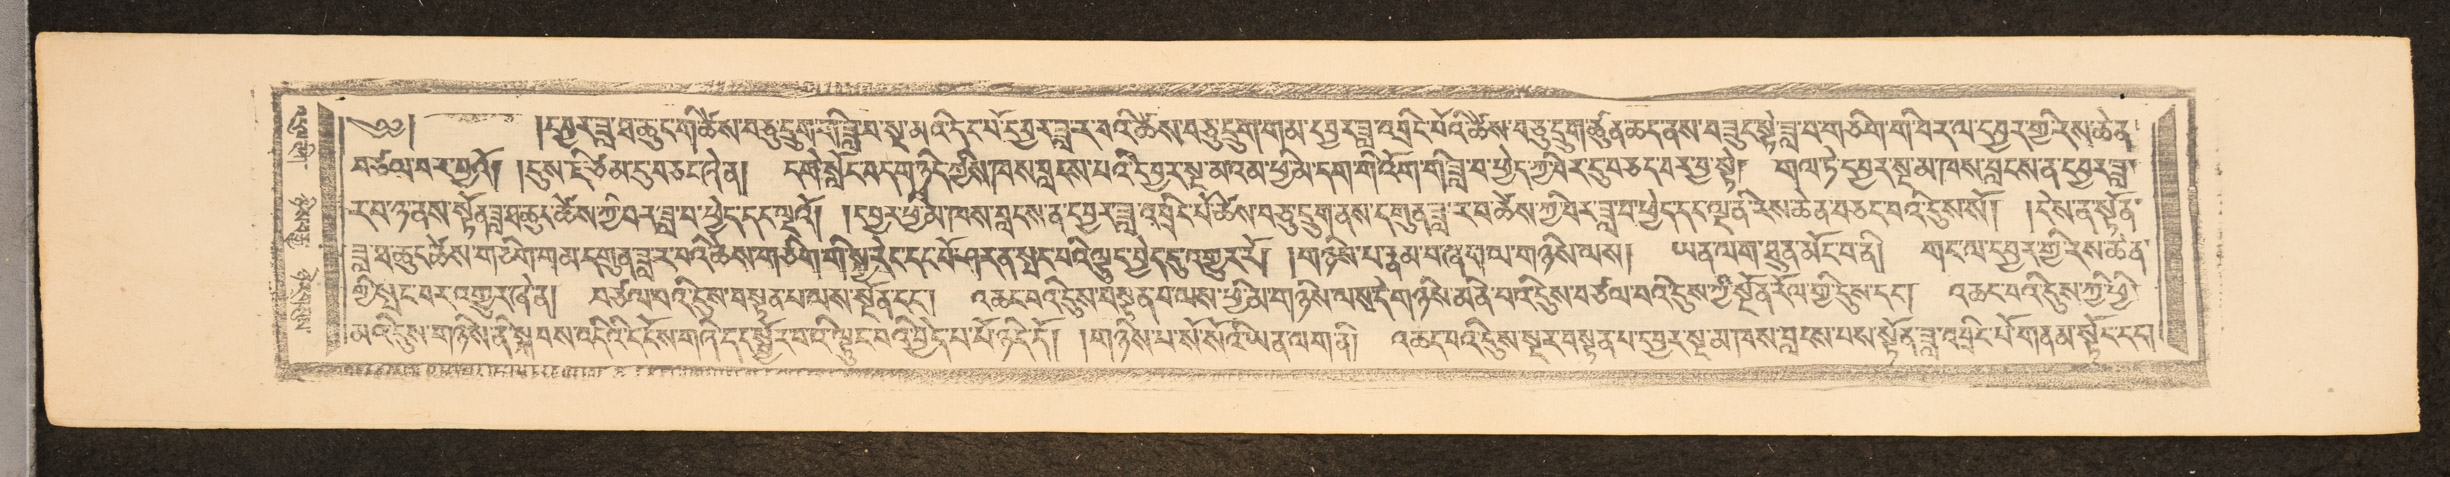༄༅། །དབྱར་ཟླ་ཐ་ཆུད་གི་ཚེས་བཅུ་དྲུག་གི་ཟླ་བ་སྔ་མའི་དང་པོ་དབྱར་ཟླ་ར་བའི་ཚེས་བཅུ་དྲུག་གམ་དབྱར་ཟླ་འབྲིང་པོའི་ཚེས་བཅུ་དྲུག་ཚུན་ཆད་ནས་བཟུང་སྟེ་ཟླ་བ་གཅིག་གི་བར་ལ་དབྱར་གྱི་རས་ཆེན་
བཙལ་བར་བྱའོ། །དུས་ཇི་ཙམ་དུ་བཅང་ཞེ་ན། དགེ་སློང་བདག་ཉིད་ཀྱིས་ཁས་བླངས་པའི་དབྱར་སྔ་མའམ་ཕྱི་མ་དག་གི་འོག་གི་ཟླ་བ་ཕྱེད་ཀྱི་བར་དུ་བཅད་བར་བྱ་སྟེ། གལ་ཏེ་དབྱར་སྔ་མ་ཁས་བླངས་ན་དབྱར་ཟླ་
ར་བ་ཉ་ནས་སྟོན་ཟླ་ཐ་ཆུད་ཚེས་ཀྱི་བར་ཟླ་བ་ཕྱེད་དང་ལྔའོ། །དབྱར་ཕྱི་མ་ཁས་བླངས་ན་དབྱར་ཟླ་འབྲིང་པོ་ཚེས་བཅུ་དྲུག་ནས་དགུན་ཟླ་ར་བ་ཚེས་ཀྱི་བར་ཟླ་པ་ཕྱེད་དང་ལྔ་ནི་རས་ཆེན་བཅང་བའི་དུས་སོ། །དེས་ན་སྟོན་
ཟླ་ཐ་ཆུང་ཚེས་གཅིག་གམ་དགུན་ཟླར་པའི་ཚེས་གཅིག་གི་སྐྱ་རེང་དང་བོ་ཤར་ན་སྦང་བའི་ལྟུང་བྱེད་དུ་འགྱུར་རོ། །གཉིས་པ་རྣམ་བཞག་ལ་གཉིས་ལས། ཡན་ལག་ཐུན་མོང་བ་ནི། གང་ལ་དབྱར་གྱི་རས་ཆེན་
གྱི་སྤང་བར་འགྱུར་ཞེ་ན། བཙལ་བའི་དུས་བསྟན་པ་ལས་སྔོན་དང་། འཆད་བའི་དུས་བསྟན་པ་ལས་ཕྱི་མ་གཉིས་ལས་དེ་གཉིས་མིན་བའི་དུས་བཙལ་བའི་དུས་ཀྱི་སྔོན་རོལ་གྱི་དུས་དང་། འཆང་བའི་དུས་ཀྱི་ཕྱི་
མའི་དུས་གཉིས་ནི་སྐབས་འདིའི་དངོས་གཞི་དང་སྦྱོར་བའི་ལྟུང་བའི་བྱེད་པ་པོ་ཉིད་དོ། །གཉིས་བ་སོ་སོའི་ཡན་ལག་ནི། འཆད་བའི་དུས་སྔར་བསྟན་པ་དབྱར་སྔ་མ་ཁས་བླངས་བས་སྟོན་ཟླ་འབྲིང་བོ་གནམ་སྟོང་དང་།